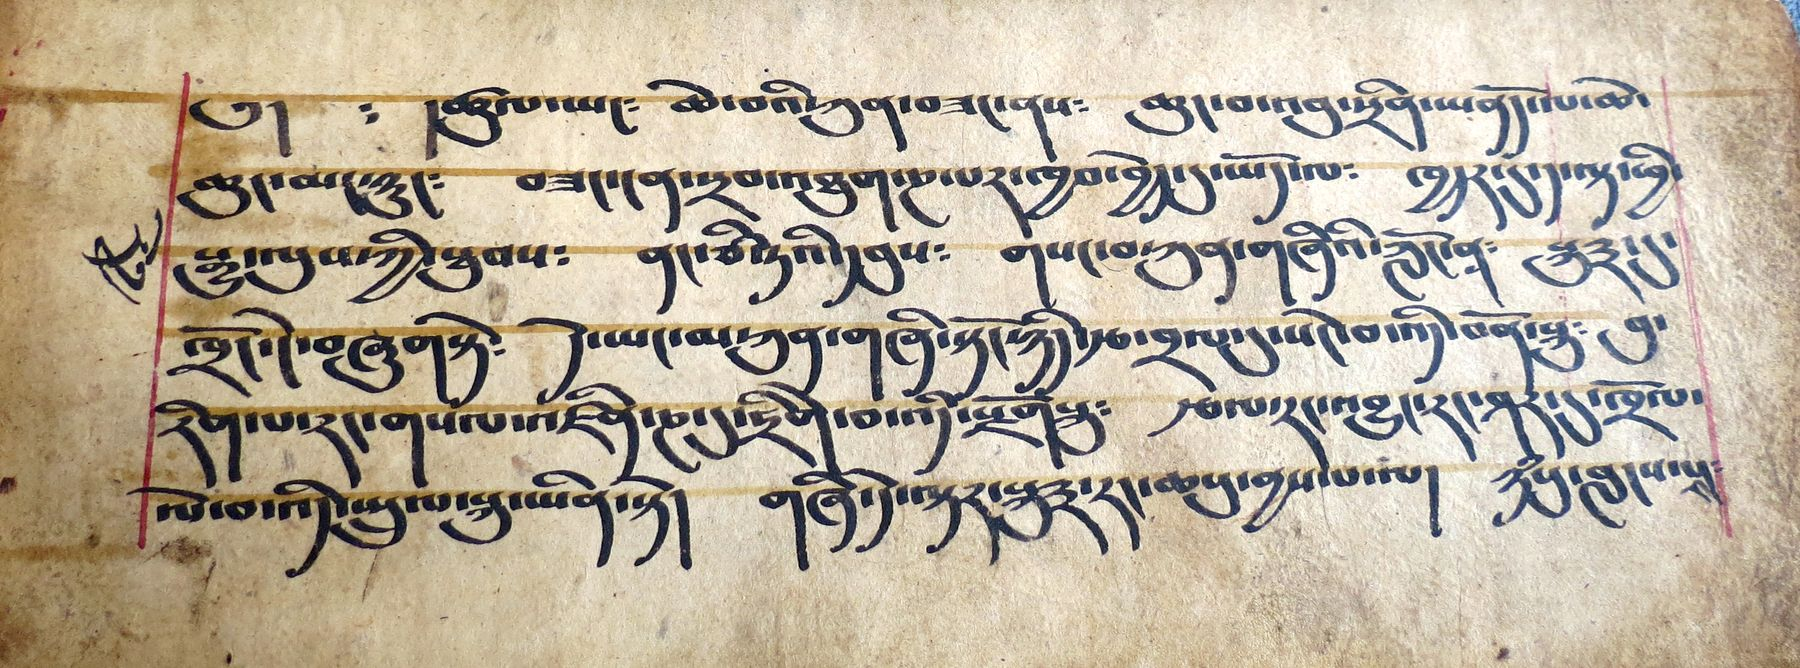ཚུལ་ཀྱང་། ཆེ་བའི་ཀུན་ཏུ་བཟང་པོ་ནས་ ཆུང་བ་འབུ་སྲིན་ཡན་ཆད་ལ། ཆེ་
ཆུང་མང་ཉུང་བཟང་ངན་སྲབ་མཐུག་མེད་པར་ཁྱབ་བྱེད་དུ་ཡོད་ལ། ཁྱད་པར་དུས་ད་ལྟ་ཕྱི་
སྒྱུ་ལུས་ཀྱི་སྦུབས། ནང་ཙི་རྟའི་དབུས། གསང་བ་ཀུན་གཞིའི་ཀློང་ནས། སྐུ་གསུམ་དུ་
དྲང་ངེ་བཞུགས་ཏེ། དེ་ཡང་མ་ཀུན་གཞི་སྟོང་ཉིད་རྩ་བྲལ་ཏུ། སང་ངེ་འདི་བོན་སྐུ། བུ་
རིག་པ་རང་གསལ་འཛིན་མེད་དུ་སལ་ལེ་ཧྲིག་གེ་བ་འདི་རྫོགས་སྐུ། རྩལ་རང་འབྱུང་རང་ཤར་དུ་ཁྲོལ་
ལེ་བ་འདི་སྤྲུལ་སྐུ་ཡིན་ཏེ། གཞི་དེ་ལྟར་སྐུ་གསུམ་རང་ཆས་སུ་བྱས་པ་ལ་ཉམས་སུ་བླངས་པས།